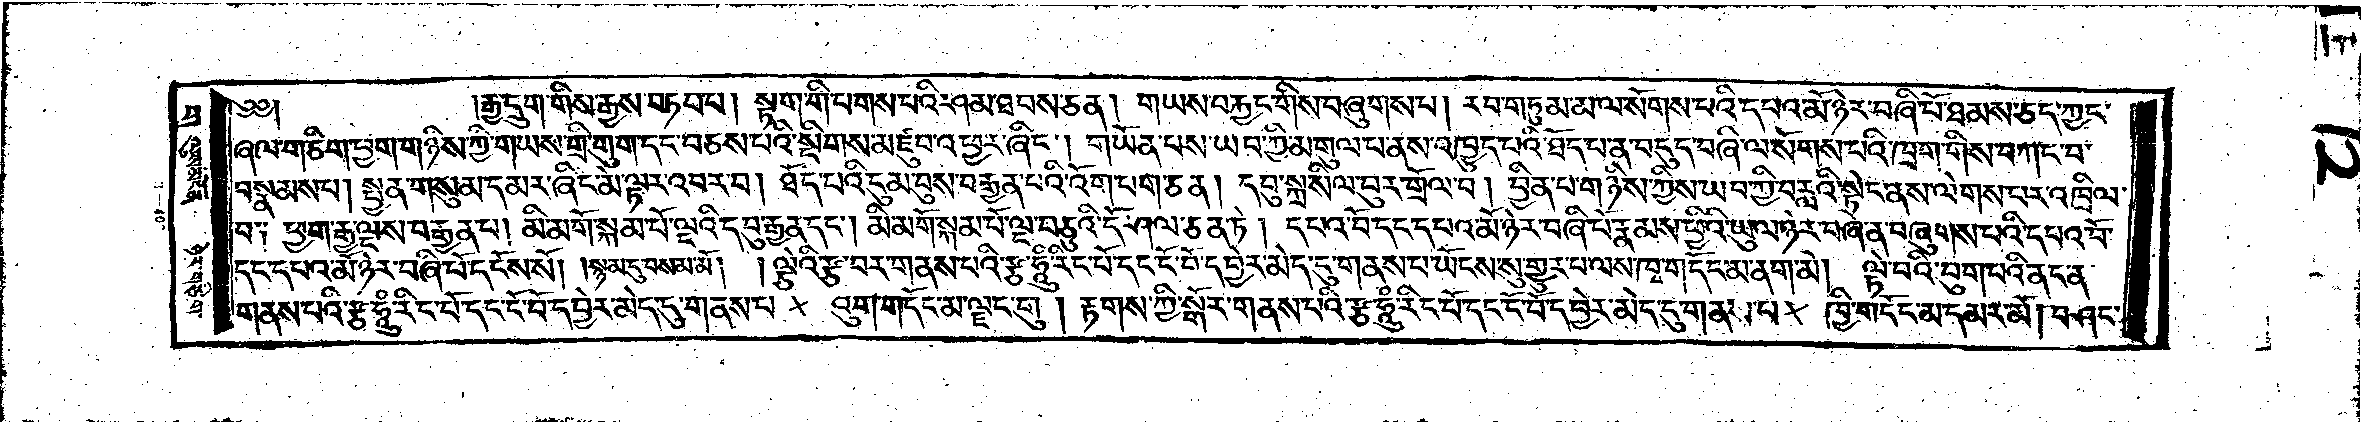༄༅། །རྒྱ་དྲུག་གིས་རྒྱས་བཏབ་པ། སྟག་གི་པགས་པའི་ཤམ་ཐབས་ཅན། གཡས་བརྐྱང་གིས་བཞུགས་པ། རབ་གཏུམ་མ་ལ་སོགས་པའི་དཔའ་མོ་ཉེར་བཞི་པོ་ཐམས་ཅད་ཀྱང་
ཞལ་གཅིག་ཕྱག་གཉིས་ཀྱི་གཡས་གྲི་གུག་དང་བཅས་པའི་སྡིགས་མཛུབ་འཕྱར་ཞིང་། གཡོན་པས་ཡབ་ཀྱི་མགུལ་པ་ནས་འཁྱུད་པའི་ཐོད་པ་ན་བདུད་བཞི་ལ་སོགས་པའི་ཁྲག་གིས་བཀང་བ་
བསྣམས་པ། སྤྱན་གསུམ་དམར་ཞིང་མེ་ལྟར་འབར་བ། ཐོད་པའི་དུམ་བུས་བརྒྱན་པའི་འོག་པག་ཅན། དབུ་སྐྲ་སིལ་བུར་གྲོལ་བ། བྱིན་པ་གཉིས་ཀྱིས་ཡབ་ཀྱི་བརླའི་སྟེང་ནས་ལེགས་པར་འཁྲིལ་
བ༑ ཕྱག་རྒྱ་ལྔས་བརྒྱན་པ། མི་མགོ་སྐམ་པོ་ལྔའི་དབུ་རྒྱན་དང་། མི་མགོ་སྐམ་པོ་ལྔ་བཅུའི་དོ་ཤལ་ཅན་ཏེ། དཔའ་བོ་དང་དཔའ་མོ་ཉེར་བཞི་པོ་རྣམས་ཕྱིའི་ཡུལ་ཉེར་བཞིན་བཞུགས་པའི་དཔའ་བོ་
དང་དཔའ་མོ་ཉེར་བཞི་པོ་དངོས་སོ། །སྙམ་དུ་བསམ་མོ།  །ལྕེའི་རྩ་བར་གནས་པའི་རྩ་ཧཱུཾ་རིང་པོ་དང་ངོ་བོ་དབྱེར་མེད་དུ་གནས་པ་ཡོངས་སུ་གྱུར་པ་ལས་ཁྭ་གདོང་མ་ནག་མེ། ལྟེ་བའི་བུག་པའི་ནང་ན་
གནས་པའི་རྩ་ཧཱུཾ་རིང་པོ་དང་ངོ་བོ་དབྱེར་མེད་དུ་གནས་པ་྾་འུག་གདོང་མ་ལྗང་གུ །རྟགས་ཀྱི་སྒོར་གནས་པའི་རྩ་ཧཱུཾ་རིང་པོ་དང་ངོ་བོ་དབྱེར་མེད་དུ་གནས་པ་྾་ཁྱི་གདོང་མ་དམར་མོ། བཤང་